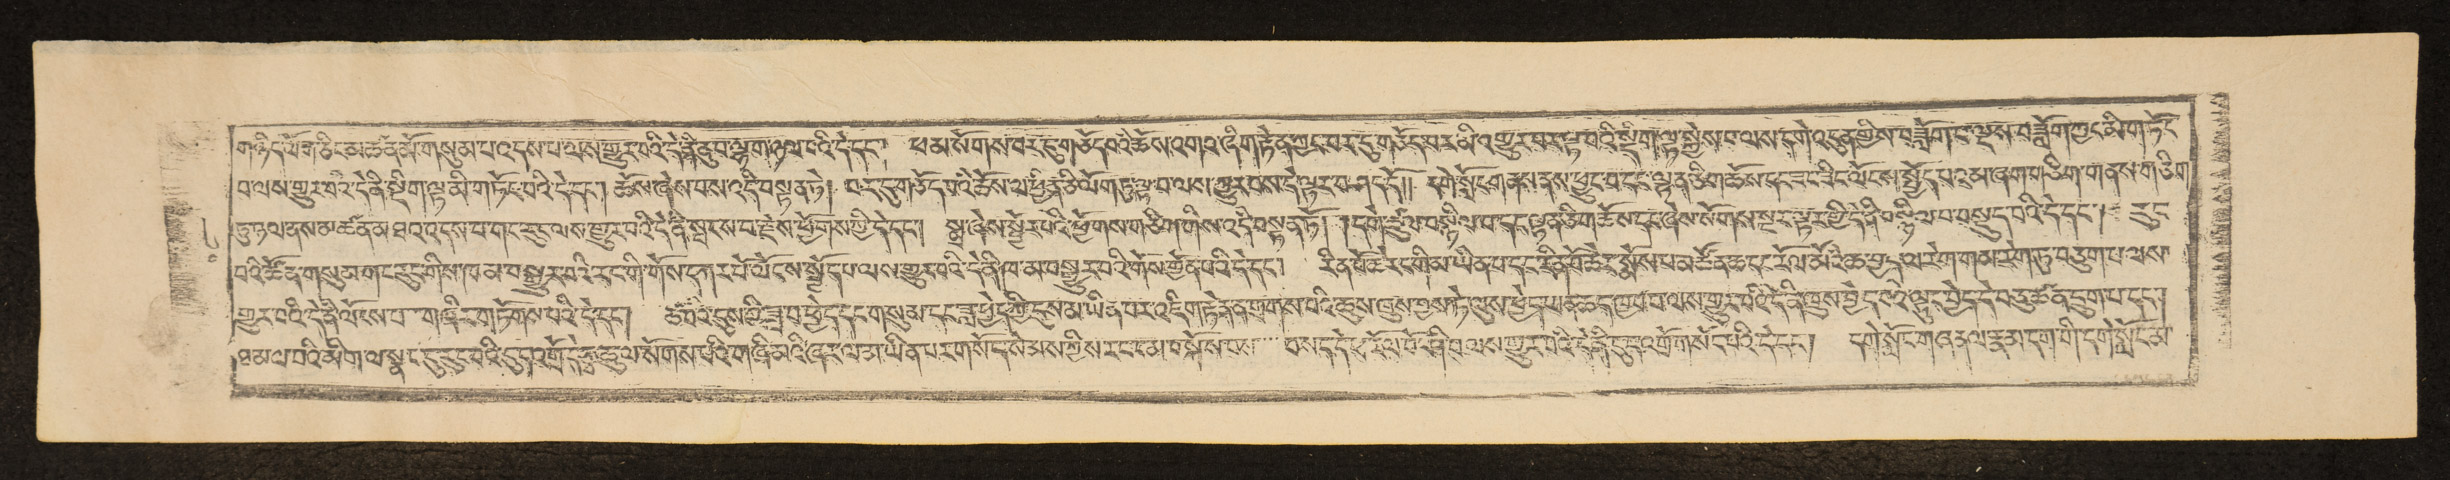གཉིད་ལོག་ཅིང་མཚན་མོ་གསུམ་པ་འདས་པ་ལས་གྱུར་བའི་དེ་ནི་ནུབ་ལྷག་ཉལ་བའི་དེ་དང་། ཕམ་སོགས་བར་དུ་གཅོད་པའི་ཆོས་འགའ་ཞིག་རྟེན་ཀྱང་བར་དུ་གཅོད་པར་མི་འགྱུར་བར་ལྟ་བའི་སྡིག་ལྟ་སྐྱེས་པ་ལས་དགེ་འདུན་གྱིས་བཟློག་པ་ལྔས་བཟློག་ཀྱང་མི་གཏོང་
བ་ལས་གྱུར་བའི་དེ་ནི་སྡིག་ལྟ་མི་གཏོང་བའི་དེ་དང་། ཆོས་ཞེས་པས་འདི་བསྟན་ཏེ། བར་དུ་གཅོད་པའི་ཆོས་ལ་ཕྱིན་ཅི་ལོག་ཏུ་བ་ལྟ་བ་ལས་ཀྱུར་བས་དེ་ལྟར་བཤད་དོ།། དགེ་སློང་གནས་ནས་ཕྱུང་བ་དང་ལྷན་ཅིག་ཆོས་དང་ཟང་ཟིང་ལོངས་སྤྱོད་པའམ་ཞག་གཅིག་གནས་གཅིག།
ཏུ་ཉལ་ནས་མཚན་མཐའ་འདས་པ་གང་རུང་ལས་གྱུར་བའི་དེ་ནི་སྤངས་པ་རྗེས་ཕྱོགས་ཀྱི་དེ་དང་། སྨྲ་ཞེས་སྦྱོར་བའི་ཕྱོགས་གཅིག་གིས་འདི་བསྟན་ཏོ། །དགེ་ཚུལ་བསྙིལ་བ་དང་ལྷན་ཅིག་ཆོས་དང་ཞེས་སོགས་སྔར་ལྟར་གྱི་དེ་ནི་བསྙིལ་བ་བསྡུད་པའི་དེ་དང་། རུང་
བའི་ཚོན་གསུམ་གང་རུང་གིས་ཁམ་བསྒྱུར་བའི་རང་གི་གོས་དཀར་པོ་ལོངས་སྤྱོད་པ་ལས་གྱུར་བའི་དེ་ནི་ཁ་མ་བསྒྱུར་བའི་གོས་གྱོན་པའི་དེ་དང་། རིན་པོ་ཆེ་རང་གི་མ་ཡིན་པ་དང་རིན་པོ་ཆེར་སྨོས་པ་མཚོན་ཆ་དང་རོལ་མོའི་ཆ་བྱད་ལ་རེག་གམ་རེག་ཏུ་བཅུག་པ་ལས་
གྱུར་བའི་དེ་ནི་ལོངས་པ་གཞིར་གཏོགས་པའི་དེ་དང་། ཚ་བའི་དུས་ཀྱི་ཟླ་བ་ཕྱེད་དང་གསུམ་དང་ཟླ་ཕྱེད་ཀྱི་དུས་མ་ཡིན་པར་འཇིག་རྟེན་ན་གྲགས་པའི་ཆུས་ཁྲུས་བྱས་ཏེ་ལུས་ཕྱེད་ཡན་ཆད་ཁྱབ་པ་ལས་གྱུར་བའི་དེ་ནི་ཁྲུས་བྱེད་པའི་ལྟུང་བྱེད་དེ་བཅུ་ཚན་དྲུག་པ་དང་།
ཐ་མལ་པའི་མིག་ལ་སྣང་དུ་རུང་བའི་དུད་འགྲོ་དེ་ཙཱ་ཆུ་ལ་སོགས་པའི་གཞི་མའི་ཞར་ལེ་མ་ཡིན་པར་གསོད་སེམས་ཀྱིས་རང་ངམ་བསྐོས་པས་བསད་དེ་ཕ་རོལ་པོ་ཤི་བ་ལས་གྱུར་བའི་དེ་ནི་དུད་འགྲོ་གསོང་བའི་དེ་དང་། དགེ་སློང་གཞན་ལ་རྣམ་དག་གི་དགེ་སློང་མ་